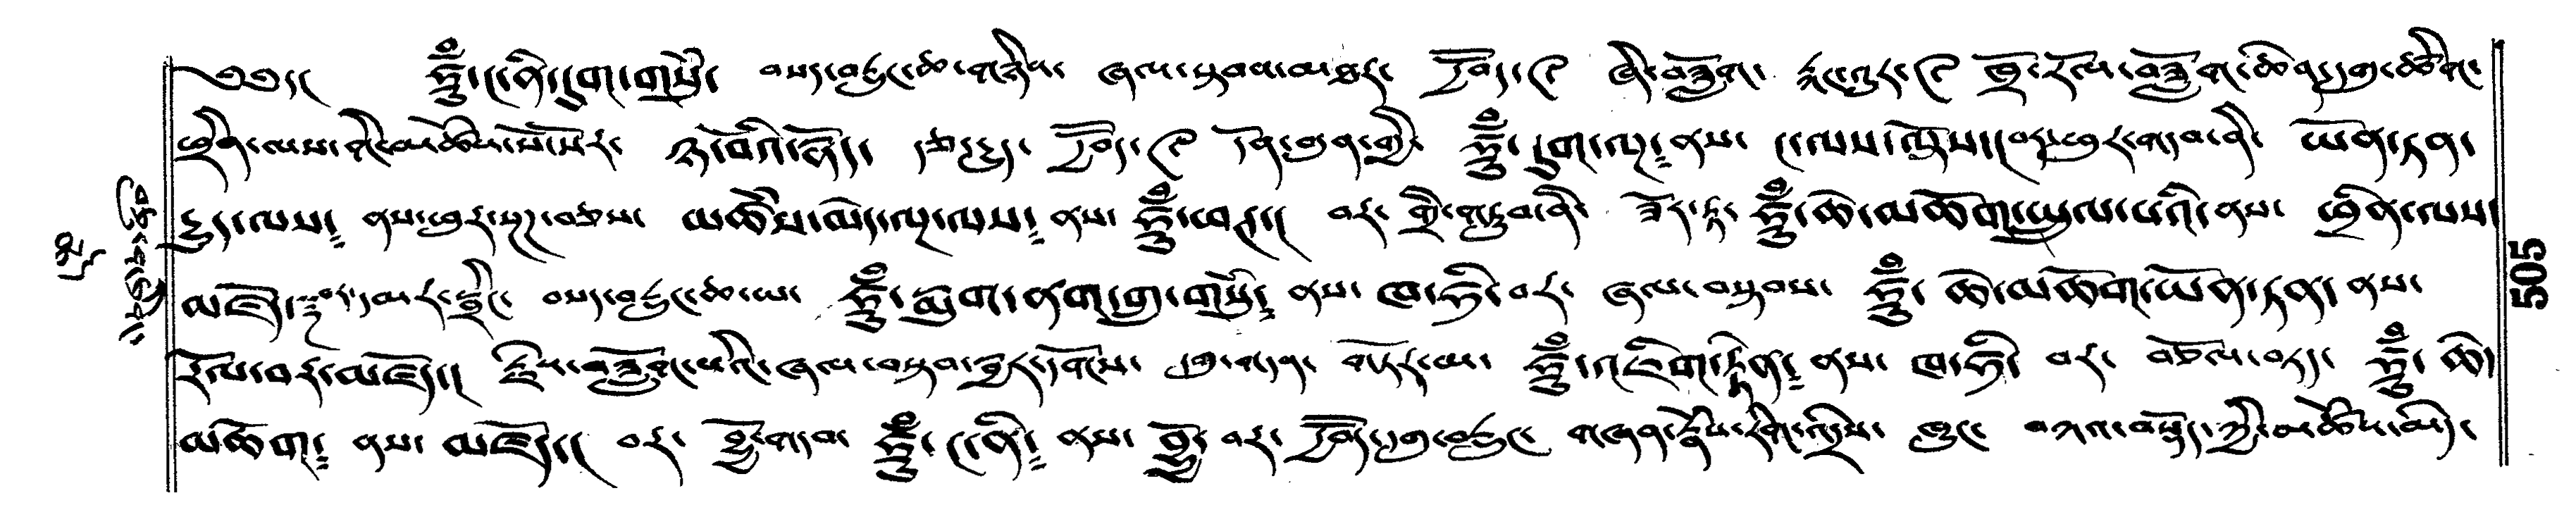ཧཱུྃ༔ང་ནི་དུག་གསུམ༴ ( བསད་བརྡུང་ཆ་གཉིས། ) ཞལ་སྟབས་མཐར། ( རྒྱོབ་སོད་དགུ ) ཞི་བཟློག ( རྐང་འུར་དགུ ) ཁྲོ་རོལ་བཟློག་ཆེན། ( དགུ་ཚིག་) 
ཕྲིན་ལས་ཀྱི་མཚམས་སོ་སོར། ཉ་བོའི་སྣོད༑ རྩ་རྒྱུད། ( རྒྱོབ་སོད་དགུ ) ཧཱུྃ༔དུག་ལྔ༴ ནས། ང་ལས་ལྟོས༔ བར་ཕུར་གདབ་ནི། ཡོན་ཏན་
རྒྱུད་ལས༴ ཕུར་སྔགས་བཅས། མཚམས་མེད་ལྔ་ལས༴ ནས། ཧཱུྃ་ཕཊཿ བར། གྲིས་གཏུབ་ནི། ( ཟོར་རྟ། ) ཧཱུྃ༔ཆེ་མཆོག་སྤྲུལ་པའི༴ ནས། ཕྲིན་ལས་
མཛོད༴ བར། དམར་སྦྲེང་། ( བསད་བརྡུང་ཆ་ཡ། ) ཧཱུྃ༔སྨུག་ནག་གྲུ་གསུམ༴ ནས། ཁཱ་ཧིཿ བར། ཞལ་བསྟབ། ཧཱུྃ༔ ཆེ་མཆོག་ཡོན་ཏན༴ ནས། 
རོལ་བར་མཛོད༔ རྗེས། བཟློག་པའི་ཞལ་བསྟབ་སྦྱོར་དགོས། ( དགུ་གདན། ) གཏོར་མ། ཧཱུྃ༔འཇིག་རྟེན༴ ནས། ཁ་ཧིཿ བར། བཅོལ་བཏད། ཧཱུྃ༔ཆེ་
མཆོག༴ ནས། མཛོད༔ བར། བྷྱོ་གདབ། ཧཱུྃ༔ང་ནི༴ ནས། བྷྱོ༔ བར། ( རྒྱོབ་སོད་དགུ་བརྡུང་། ) གཞན་རྣམས་རིགས་འགྲེས། ( ཁྱུང་། བཀའ་བསྡོད་ཀྱི་མཚམས་མེད་